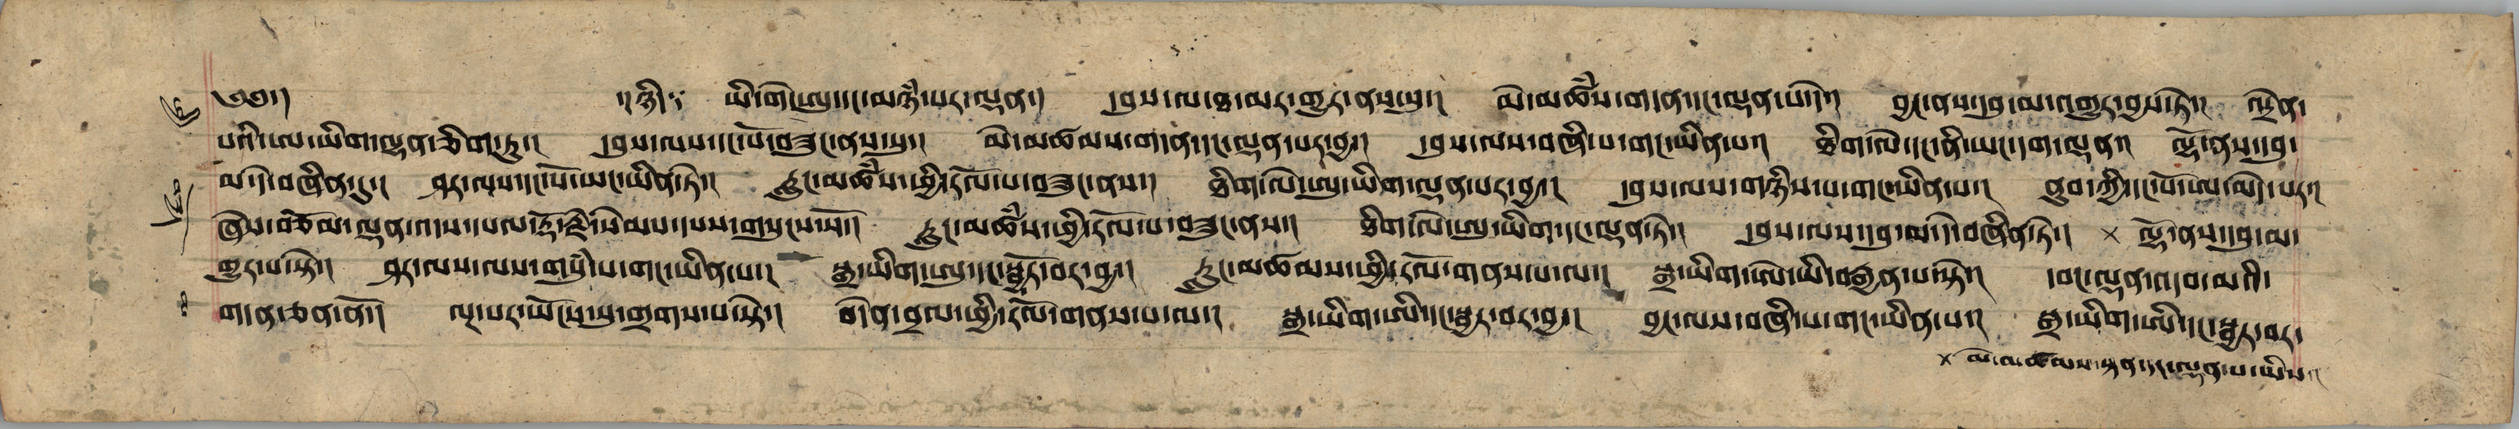༄༅་། ་།ཉིད༑ ཡི་གེ་ཨུ་དང་མཉཾ་པར་ལྡན་། དབུས་ལ་ཐ་མར་གྱུར་ནས་སུ་། མེ་མཚཾས་གདན་དང་ལྡན་པ་དེ་། བྱང་ནས་དབུ་མ་འགྱུར་བྱས་ཏེ་། འདྲེན་
པའི་ཨ་ཡིག་ལྷན་ཅིག་ཏུ་། དབུས་ལས་དང་པོ་བཟུང་ནས་སུ་། མེ་མཚམས་གདན་དང་ལྡན་པར་བྱ་། དབུས་ལས་བཞི་པ་གང་ཡིན་པ་། ཐིག་ལེ་དང་ནི་ཡང་དག་ལྡན་། ལྷོ་ནས་དབུ་
མ་དེ་བཞིན་དུ་། ཤར་ལས་དང་པོ་ཡང་ཡིན་ཏེ་། རླུང་མཚཾས་ཕྱི་རོལ་པ་བཟུང་ནས་། ཐིག་ལེ་ཨུ་ཡིག་ལྡན་པར་བྱ་། དབུས་ལས་གཉིས་པ་གང་ཡིན་པ་། ནུབ་ཀྱི་དང་པོ་ཨ་མེད་པར་།
ཞེས་བཅོམ་ལྡན་འདས་དཔལ་རྡོ་རྗེ་སེམས་དཔས་གསུངས་སོ་། རླུང་མཚཾས་ཕྱི་རོལ་པ་བཟུང་ནས་། ཐིག་ལེ་ཨུ་ཡིག་དང་ལྡན་ཏེ་། དབུས་ལས་དབུ་མ་དེ་བཞིན་ཏེ་། ལྷོ་ནས་དབུ་མ་
གྱུར་པ་སྟེ་། ཤར་ལས་ལས་གསུཾ་པ་གང་ཡིན་པ་། སྒྲ་ཡིག་ཨུ་དང་སྦྱོར་བར་བྱ་། རླུང་མཚམས་ཕྱི་རོལ་གནས་པ་ལ་། སྒྲ་ཡིག་ཨེ་ཡི་བརྒྱན་པ་སྟེ་། དབང་ལྡན་འདབ་མའི་
གདན་ཅན་ནོ་། ལྔ་པར་ཡོངས་སུ་གྲགས་པ་སྟེ་། བདེན་བྲལ་ཕྱི་རོལ་གནས་པ་ལ་། སྒྲ་ཡིག་ཨི་དང་སྦྱར་བར་བྱ་། བྱང་ལས་བཞི་པ་གང་ཡིན་པ་། སྒྲ་ཡིག་ཨི་དང་སྦྱར་བར་